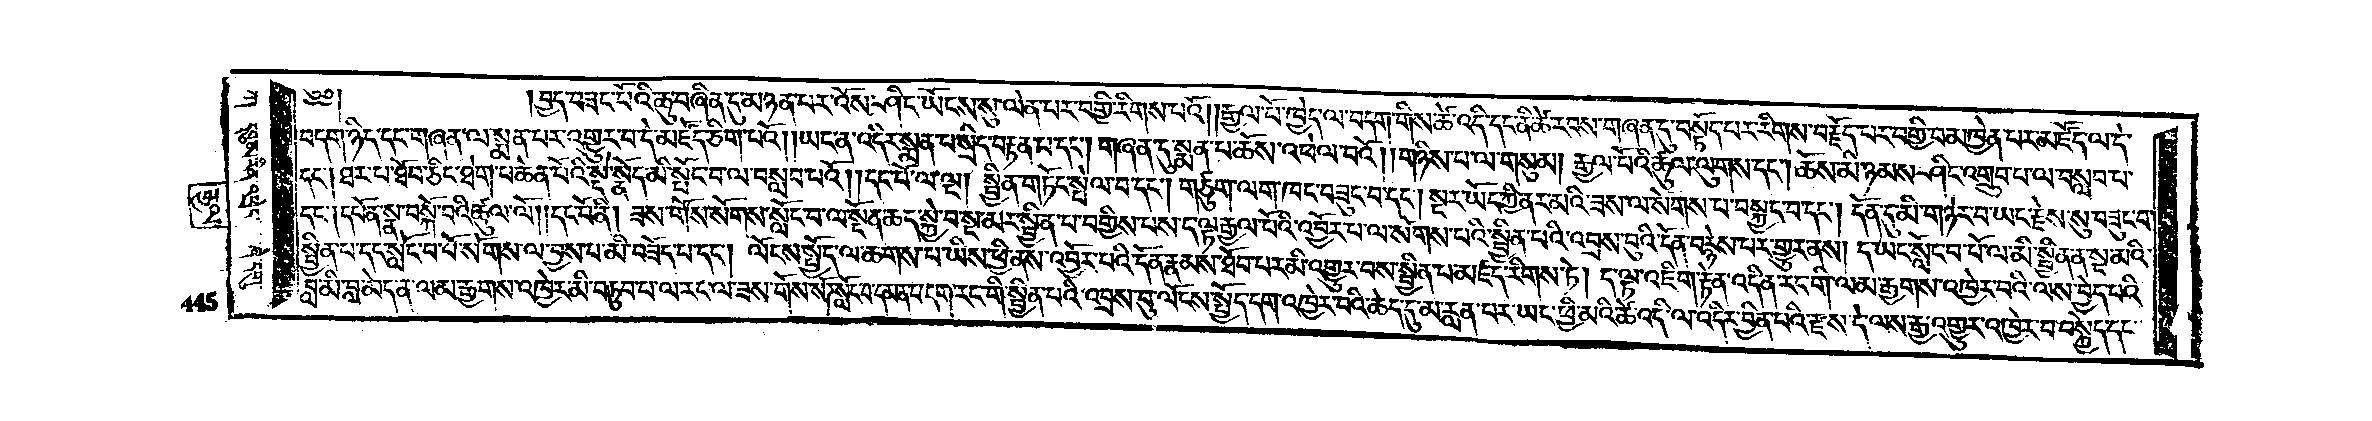༄༅། །བྱད་བཟང་པོའི་ཆུ་བཞིན་དུ་མཉན་པར་འོས་ཤིང་ཡོངས་སུ་ལེན་པར་བགྱི་རིགས་པའོ། །རྒྱལ་པོ་ཁྱེད་ལ་བདག་གིས་ཚེ་འདི་དང་ནི་ཚེ་རབས་གཞན་དུ་བསྟོད་པར་རིགས་བརྗོད་པར་བགྱི་བ་མཁྱེན་པར་མཛོད་ལ་དེ་
བདག་ཉིད་དང་གཞན་ལ་སྨན་པར་འགྱུར་བ་དེ་མཛོད་ཅིག་པའོ། །ཡང་ན་འདིར་སྨན་པ་སྲིད་བརྟན་པ་དང་། གཞན་དུ་སྨན་པ་ཆོས་འཕེལ་བའོ། །གཉིས་པ་ལ་གསུམ། རྒྱལ་པོའི་ཚུལ་ལུགས་དང་། ཆོས་མི་ཉམས་ཤིང་འགྲུབ་པ་ལ་བསླབ་པ་
དང་། ཐོར་པ་ཐོབ་ཅིང་ཐེག་པ་ཆེན་པོའི་སྡེ་སྣོད་མི་སྤོང་བ་ལ་བསླབ་པའོ། །དང་པོ་ལ་ལྔ། སྦྱིན་གཏོང་སྤེལ་བ་དང་། གཙུག་ལག་ཁང་བཟུང་བ་དང་། སྔར་ཡོད་ཀྱི་ནར་མའི་ཟས་ལ་སོགས་པ་བསྐྱང་བ་དང་། དོན་དུ་མི་གཉེར་བ་ཡང་རྗེས་སུ་བཟུང་བ་
དང་། དཔོན་སྣ་བསྐོ་བའི་ཚུལ་ལོ། །དང་པོ་ནི། ཟས་གོས་སོགས་སློང་བ་ལ་སྔོན་ཆད་སྐྱེ་བ་སྔ་མར་སྦྱིན་པ་བགྱིས་པས་ད་ལྟ་རྒྱལ་པོའི་འབྱོར་བ་ལ་སོགས་པའི་སྦྱིན་པའི་འབྲས་བུའི་དོན་བརྙེས་པར་གྱུར་ནས། ད་ཡང་སློང་བ་པོ་ལ་མི་སྦྱིན་ན་སྔ་མའི་
སྦྱིན་པ་དང་སློང་བ་པོ་སོགས་ལ་བྱས་པ་མི་བཟོད་པ་དང་། ལོངས་སྤྱོད་ལ་ཆགས་པ་ཡིས་ཕྱི་ནས་འབྱོར་བའི་དོན་རྣམས་ཐོབ་པར་མི་འགྱུར་བས་སྦྱིན་པ་མཛད་རིགས་ཏེ། ད་ལྟ་འཇིག་རྟེན་འདི་ན་རང་གི་ལམ་རྒྱགས་འཁྱེར་བའི་ལས་བྱེད་པའི་
བླ་མི་བླ་མེད་ན་ལམ་རྒྱགས་འཁྱེར་མི་བཏུབ་པ་ལ་རང་ལ་ཟས་གོས་སོགས་སློང་བ་དམན་པ་དག་རང་གི་སྦྱིན་པའི་འབྲས་བུ་ལོངས་སྤྱོད་དག་འཁྱེར་བའི་ཆེད་དུ་མ་རླན་པར་ཡང་ཕྱི་མའི་ཚེ་འདི་ལ་འདིར་བྱིན་པའི་རྫས་དེ་ལས་རྒྱ་འགྱུར་འཁྱེར་བ་བསྐྱེད་དང་།